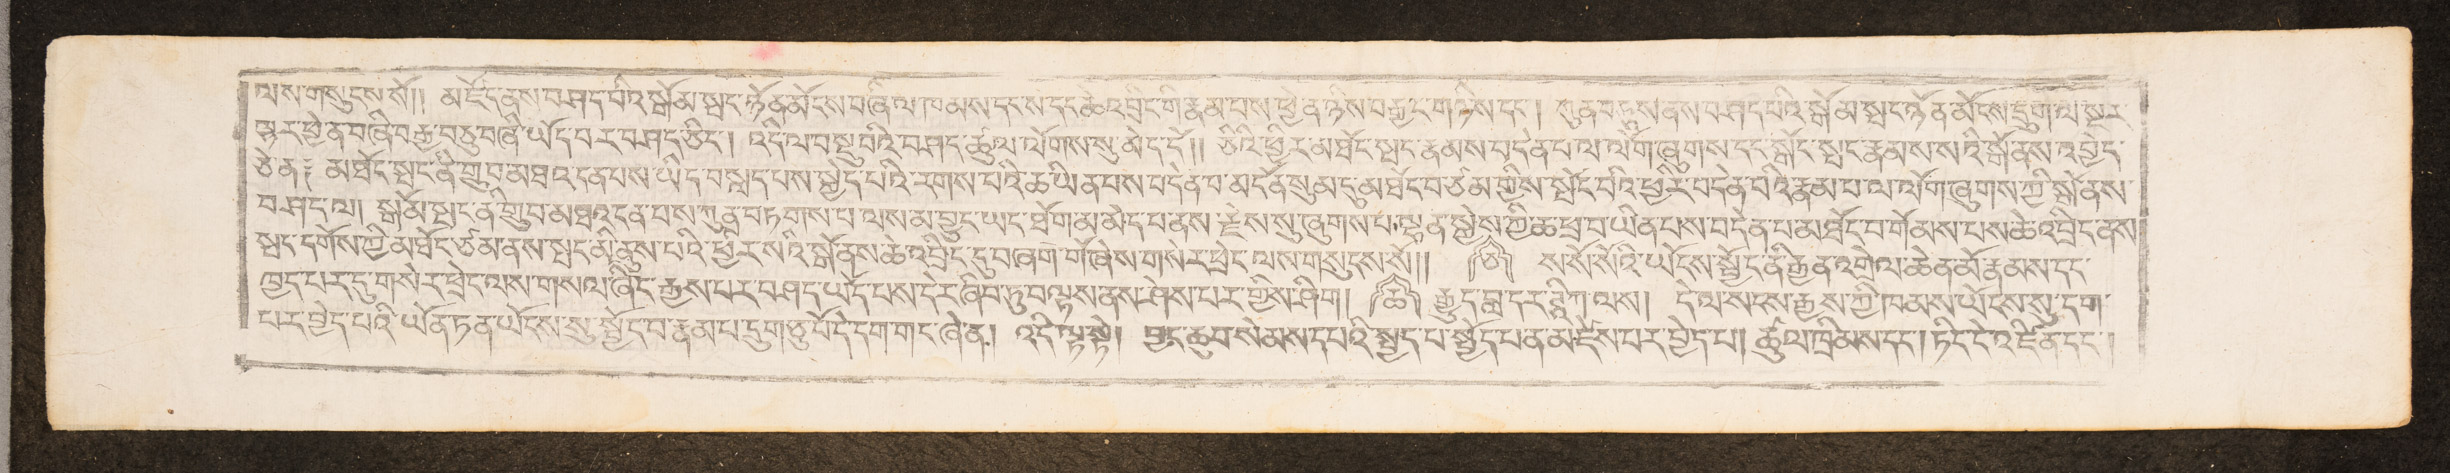ལས་གསུངས་སོ།། མཛོད་ནས་བཤད་པའི་སྒོམ་སྤང་ཉོན་མོངས་བཞི་ལ་ཁམས་དང་ས་དང་ཆེ་འབྲིང་གི་རྣམ་པས་ཕྱེ་ན་ཉིས་བརྒྱ་ང་གཉིས་དང་། ཀུན་བཏུས་ནས་བཤད་པའི་སྒོམ་སྤང་ཉོན་མོངས་དྲུག་ལ་སྔར་
ལྟར་ཕྱེ་ན་བཞི་བརྒྱ་བཅུ་བཞི་ཡོད་པར་བཤད་ཅིང་། འདི་ལ་བསྡུ་བའི་བཤད་ཚུལ་ལོགས་སུ་མེད་དོ།། ཅིའི་ཕྱིར་མཐོང་སྤང་རྣམས་བདེན་པ་ལ་ལོག་ཞུགས་དང་སྒོང་སྤང་རྣམས་སའི་སྒོ་ནས་འབྱེད་
ཅེ་ན༑ མཐོང་སྤང་ནི་གྲུབ་མཐའ་དན་པས་ཡིད་བསླད་པས་སྐྱེད་པའི་རགས་པའི་ཆ་ཡིན་པས་བདེན་པ་མངོན་སུམ་དུ་མཐོང་བ་ཙམ་གྱིས་སྤོང་བའི་ཕྱིར་བདེན་པའི་རྣམ་པ་ལ་ལོག་ཞུགས་ཀྱི་སྒོ་ནས་
བཤད་ལ། སྒོམ་སྤང་ནི་གྲུབ་མཐའ་ངན་པས་ཀུན་བཏགས་པ་ལས་མ་བྱུང་ཡང་ཐོག་མ་མེད་པ་ནས་རྗེས་སུ་ཞུགས་པ་ལྷན་སྐྱེས་ཀྱི་ཆ་ཕྲ་བ་ཡིན་པས་བདེན་པ་མཐོང་བ་གོམས་པས་ཆེ་འབྲིང་ནས་
སྤང་དགོས་ཀྱི་མཐོང་ཙམ་ནས་སྤང་མི་ནུས་པའི་ཕྱིར་སའི་སྒོ་ནས་ཆེ་འབྲིང་དུ་བཞག་གོ་ཞེས་གསེར་ཕྲེང་ལས་གསུངས་སོ།། ༼༽ཅ༼༽ ས་སོ་སོའི་ཡོངས་སྦྱོང་ནི་རྒྱན་འགྲེལ་ཆེན་མོ་རྣམས་དང་
ཁྱད་པར་དུ་གསེར་ཕྲེང་ལས་གསལ་ཞིང་རྒྱས་པར་བཤད་ཡོད་པས་དེར་ཞིབ་ཏུ་བལྟས་ནས་ཤེས་པར་གྱིས་ཤིག། ༼༽ཆ༼༽ རྒྱུད་བླ་དར་ཊཱིཀ་ལས། དེ་ལ་སངས་རྒྱས་ཀྱི་ཁམས་ཡོངས་སུ་དག་
པར་བྱེད་པའི་ཡོན་ཏན་ཡོངས་སུ་སྦྱོང་བ་རྣམ་པ་དྲུག་ཅུ་པོ་དེ་དག་གང་ཞེ་ན། འདི་ལྟ་སྟེ། བྱང་ཆུབ་སེམས་དཔའི་སྤྱད་པ་སྤྱོད་པ་ན་མཛེས་པར་བྱེད་པ། ཚུལ་ཁྲིམས་དང་། ཏིང་ངེ་འཛིན་དང་།